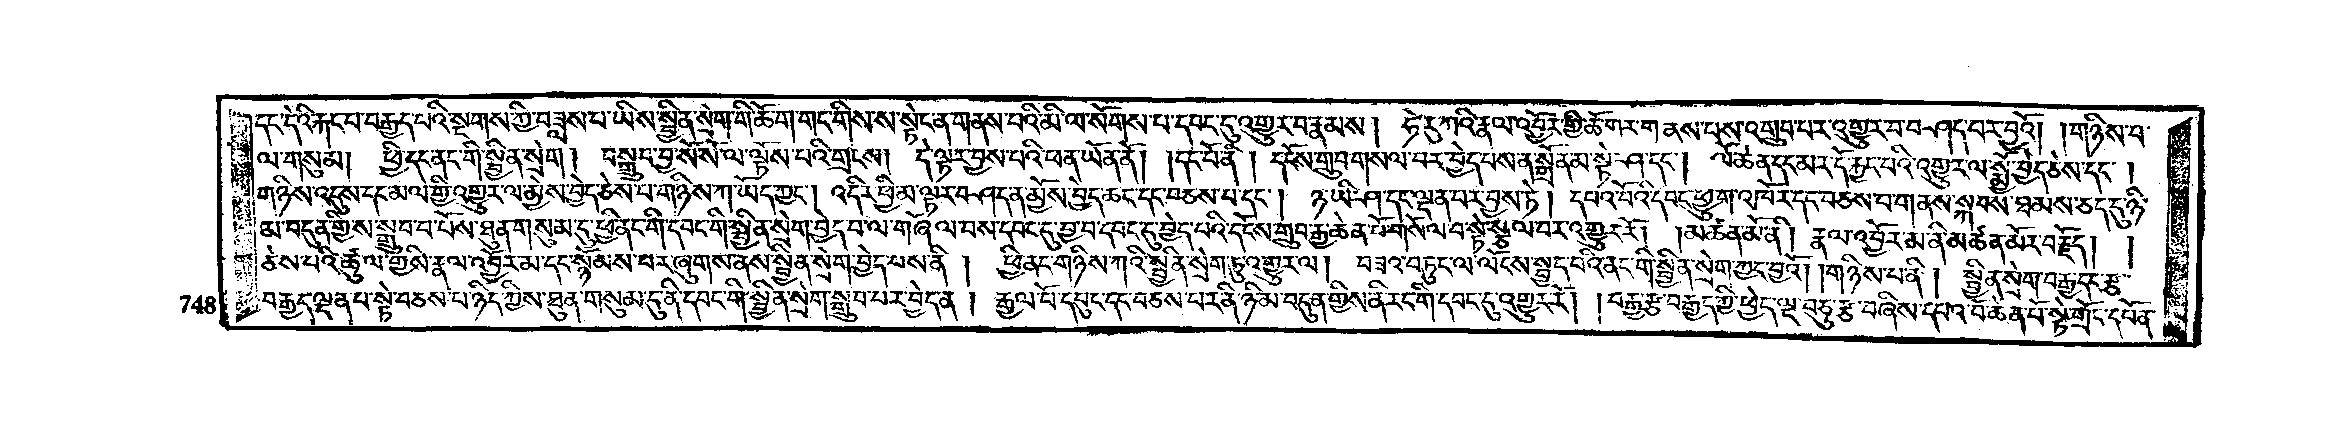དང་དེའི་རྐང་པ་བརྒྱད་པའི་སྔགས་ཀྱི་བཟླས་པ་ཡིས་སྦྱིན་སྲེག་གི་ཆོ་ག་གང་གིས་ས་སྟེང་ན་གནས་པའི་མི་ལ་སོགས་པ་དབང་དུ་འགྱུར་བ་རྣམས། ཧེ་རུ་ཀའི་རྣལ་འབྱོར་གྱི་ཆོ་གར་གནས་པས་འགྲུབ་པར་འགྱུར་བ་བཤད་པར་བྱའོ། །གཉིས་པ་
ལ་གསུམ། ཕྱི་དང་ནང་གི་སྦྱིན་སྲེག །བསྒྲུབ་བྱ་སོ་སོ་ལ་ལྟོས་པའི་གྲངས། དེ་ལྟར་བྱས་པའི་ཕན་ཡོན་ནོ། །དང་པོ་ནི། དངོས་གྲུབ་གསལ་བར་བྱེད་པས་ན་སྒྲོན་མ་སྟེ་ཤ་དང་། ལོ་ཆེན་དང་མར་དོ་རྐྱང་པའི་འགྱུར་ལ་སྨྱོ་བྱེད་ཅེས་དང་།
གཉིས་འདུས་དང་མལ་གྱི་འགྱུར་ལ་མྱོས་བྱེད་ཅེས་པ་གཉིས་ཀ་ཡོད་ཀྱང་། འདིར་ཕྱི་མ་ལྟར་བཤད་ན་མྱོས་བྱེད་ཆང་དང་བཅས་པ་དང་། ཉ་ཡི་ཤ་དང་ལྡན་པར་བྱས་ཏེ། དཔའ་བོའི་དབང་ཕྱུག་འཁོར་དང་བཅས་པ་གནས་སྐབས་ཐམས་ཅད་དུ་ཉི་
མ་བདུན་གྱིས་སྒྲུབ་པ་པོས་ཐུན་གསུམ་དུ་ཕྱི་ནང་གི་དབང་གི་སྦྱིན་སྲེག་བྱེད་པ་ལ་གཞོལ་བས་དབང་དུ་བྱ་བ་དབང་དུ་བྱེད་པའི་དངོས་གྲུབ་རྒྱ་ཆེན་པོ་གསོལ་བ་སྟེ་སྩོལ་བར་འགྱུར་རོ། །མཚན་མོ་ནི། རྣལ་འབྱོར་མ་ནི་མཚན་མོར་བརྗོད། །
ཅེས་པའི་ཚུལ་གྱིས་རྣལ་འབྱོར་མ་དང་སྙོམས་པར་ཞུགས་ནས་སྦྱིན་སྲེག་བྱེད་པས་ནི། ཕྱི་ནང་གཉིས་ཀའི་སྦྱིན་སྲེག་ཏུ་འགྱུར་ལ། བཟའ་བཏུང་ལ་ལོངས་སྤྱད་པའི་ནང་གི་སྦྱིན་སྲེག་ཀྱང་བྱའོ། །གཉིས་པ་ནི། སྦྱིན་སྲེག་བརྒྱ་དང་རྩ་
བརྒྱད་ལྡན་པ་སྟེ་བཅས་པ་ཉིད་ཀྱིས་ཐུན་གསུམ་དུ་ནི་དབང་གི་སྦྱིན་སྲེག་སྒྲུབ་པར་བྱེད་ན། རྒྱལ་པོ་དཔུང་དང་བཅས་པར་ནི་ཉི་མ་བདུན་གྱིས་ནི་རང་གི་དབང་དུ་འགྱུར་རོ། །བརྒྱ་རྩ་བརྒྱད་ཀྱི་ཕྱེད་ལྔ་བཅུ་རྩ་བཞིས་དཔའ་བོ་ཆེན་པོ་སྟེ་གྲོང་དཔོན་